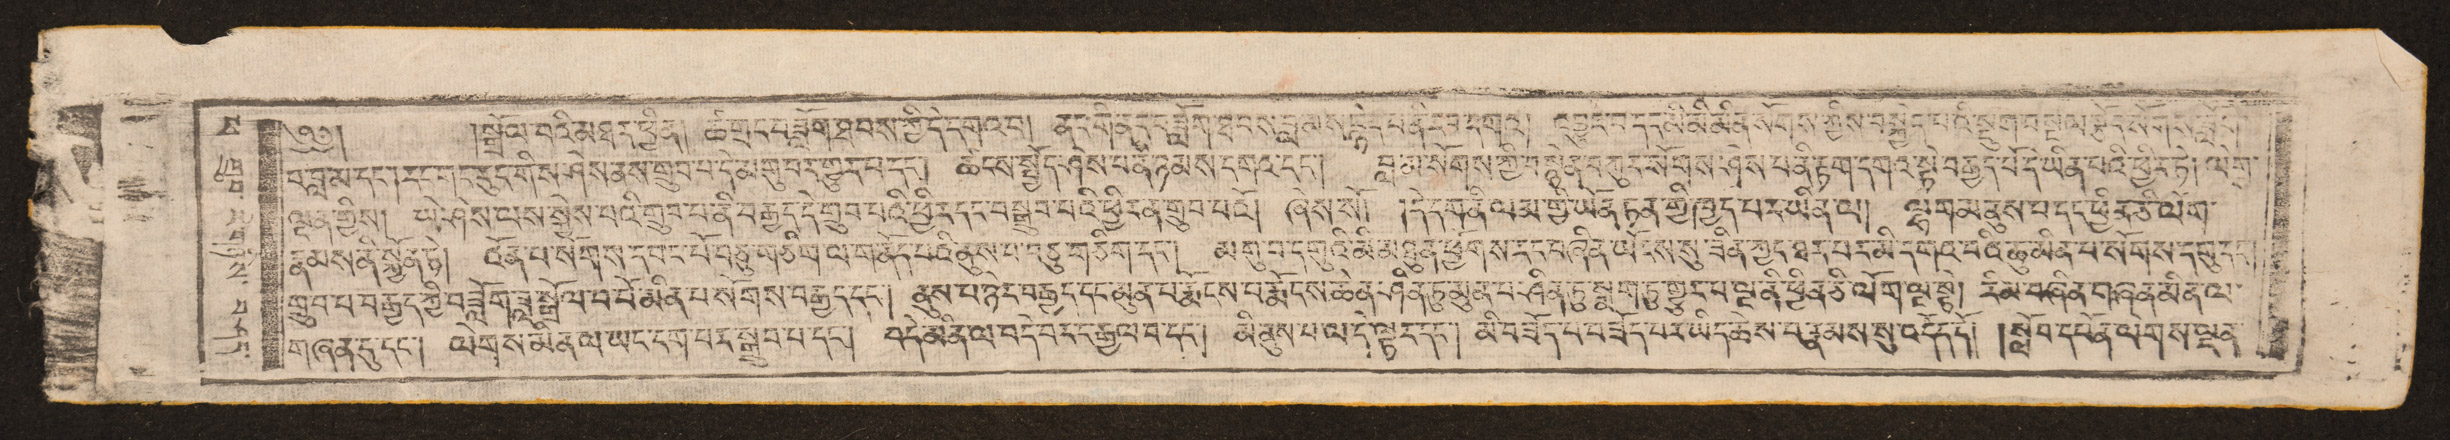༄༅། །སྒྲོལ་བའི་མཐར་ཕྱིན། ཚ་གྲང་བཟློག་ཐབས་ཀྱི་དེ་དགའ་བ། ནང་གི་ནད་བཟློག་ཐབས་བླ་མས་རྙེད་པ་ནི་རབ་དགའ། འབྱུང་བ་དང་མི་མི་མིན་སོགས་ཀྱིས་བསྐྱེད་པའི་སྡུག་བསྔལ་རྩོད་སོགས་ཟློག་
བ་བླ་མ་དང་། རང་གང་རུང་གིས་ཤེས་ནས་གྲུབ་པ་དེ་མགུ་བར་གྱུར་བ་དང་། ཚངས་སྤྱོད་ཤེས་པ་ནི་ཉམས་དགའ་དང་། བླ་མ་སོགས་ཀྱི་བསྙེན་བཀུར་སོགས་ཤེས་པ་ནི་རྟག་དགའ་སྟེ་བརྒྱད་པོ་དེ་ཡིན་པའི་ཕྱིར་ཏེ། ལེག་
ལྡན་གྱིས། ཡེ་ཤེས་ལས་སྐྱེས་བའི་གྲུབ་པ་ནི་བརྒྱད་དེ་གྲུབ་པའི་ཕྱིར་དང་བསྒྲུབ་པའི་ཕྱིར་ན་གྲུབ་པའོ། ཞེས་སོ། །དེ་དག་ནི་ལམ་གྱི་ཡོན་ཏན་གྱི་ཁྱད་པར་ཡིན་ལ། ལྷག་མ་ནུས་པ་དང་ཕྱིན་ཅི་ལོག་
རྣམས་ནི་སྐྱོན་ཏེ། འོན་པ་སོགས་དབང་པོ་བཅུ་གཅིག་ལ་གནོད་པའི་ནུས་པ་བཅུ་གཅིག་དང་། མགུ་བ་དགུའི་མི་མཐུན་ཕྱོགས་རང་བཞིན་ཡོངས་སུ་ཟིན་ཀྱང་ཐར་བར་མི་དགའ་བའི་ཆུ་མིན་པ་སོགས་དགུ་དང་།
གྲུབ་པ་བརྒྱད་ཀྱི་བཟློག་ཟླ་སྒྲོལ་བ་པོ་མིན་པ་སོགས་བརྒྱད་དང་། ནུས་པ་ཉེར་བརྒྱད་དང་མུན་པ་རྨོངས་པ་རྨོངས་ཆེན་ཤིན་ཏུ་མུན་པ་ཤིན་ཏུ་སྨག་ཏུ་གྱུར་པ་ལྔ་ནི་ཕྱིན་ཅི་ལོག་ལྔ་སྟེ། རིམ་བཞིན་གཞན་མིན་ལ་
གཞན་དུ་དང་། ལེགས་མིན་ལ་ཡང་དག་པར་སྒྲུབ་པ་དང་། བདེ་མིན་ལ་བདེ་བར་ང་རྒྱལ་བ་དང་། མི་ནུས་པ་ལ་དེ་ལྟར་དང་། མི་བཟོད་པ་བཟོད་པར་ཡིད་ཆེས་པ་རྣམས་སུ་འདོད་དོ། །སློབ་དཔོན་ལེགས་ལྡན་